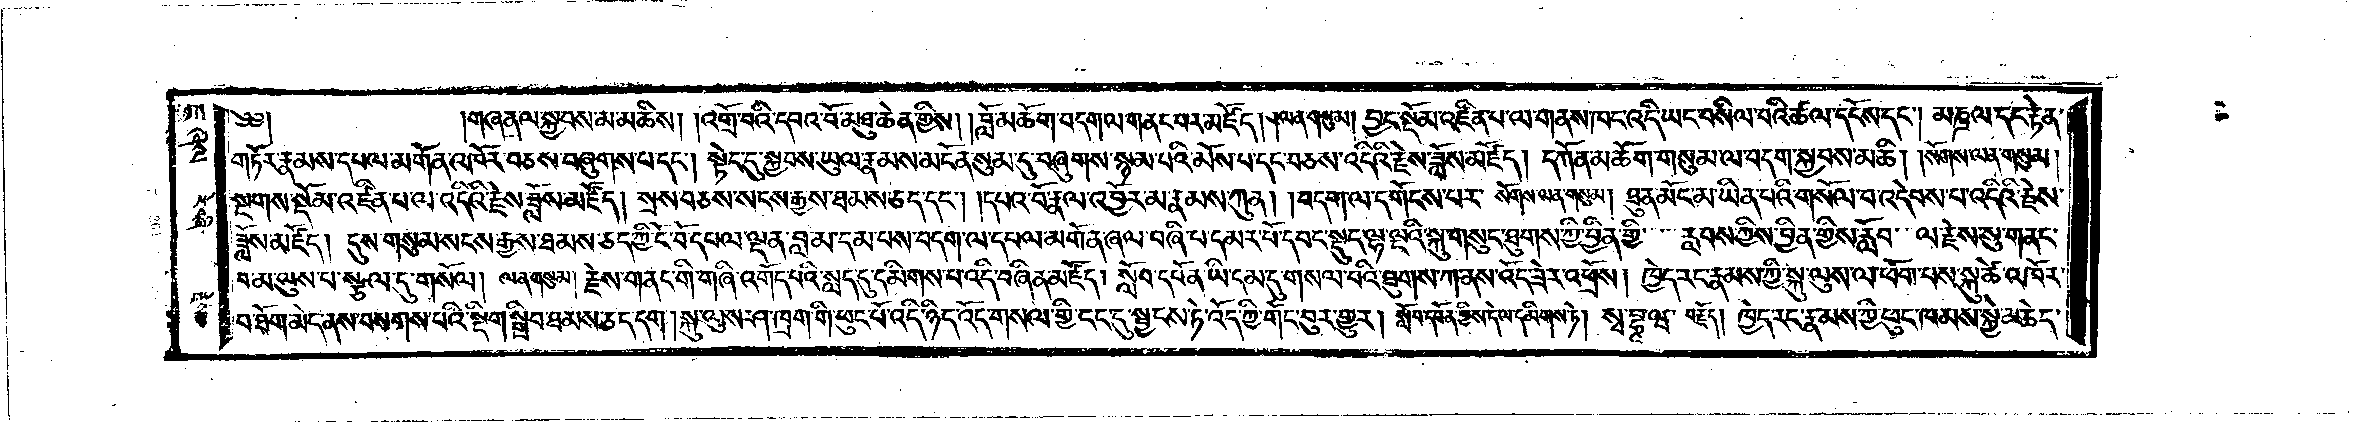༄༅། །གཞན་ལ་སྐྱབས་མ་མཆིས། །འགྲོ་བའི་དཔའ་བོ་མཐུ་ཆེན་གྱིས། །བློ་མཆོག་བདག་ལ་གནང་བར་མཛོད། །ལན་གསུམ།  བྱང་སྡོམ་འཛིན་པ་ལ་གནས་ཁང་འདི་ཡང་བསིལ་བའི་ཚལ་དངོས་དང་། མཎྜལ་དང་རྟེན་
གཏོར་རྣམས་དཔལ་མགོན་འཁོར་བཅས་བཞུགས་པ་དང་། སྟེང་དུ་སྐྱབས་ཡུལ་རྣམས་མངོན་སུམ་དུ་བཞུགས་སྙམ་པའི་མོས་པ་དང་བཅས་འདིའི་རྗེས་ཟློས་མཛོད། དཀོན་མཆོག་གསུམ་ལ་བདག་སྐྱབས་མཆི། །སོགས་ལན་གསུམ།
སྔགས་སྡོམ་འཛིན་པ་ལ་འདིའི་རྗེས་ཟློས་མཛོད། སྲས་བཅས་སངས་རྒྱས་ཐམས་ཅད་དང་། །དཔའ་བོ་རྣལ་འབྱོར་མ་རྣམས་ཀུན། །བདག་ལ་དགོངས་པར་སོགས་ལན་གསུམ།  ཐུན་མོང་མ་ཡིན་པའི་གསོལ་བ་འདེབས་པ་འདིའི་རྗེས་
ཟློས་མཛོད། དུས་གསུམ་སངས་རྒྱས་ཐམས་ཅད་ཀྱི་ངོ་བོ་དཔལ་ལྡན་བླ་མ་དམ་པས་བདག་ལ་དཔལ་མགོན་ཞལ་བཞི་པ་དམར་པོ་དབང་སྡུད་ལྷ་ལྔའི་སྐུ་གསུང་ཐུགས་ཀྱི་བྱིན་གྱི་རླབས་ཀྱིས་བྱིན་གྱིས་རློབས་ལ་རྗེས་སུ་གནང་
བ་མ་ལུས་པ་སྩལ་དུ་གསོལ། ལན་གསུམ།  རྗེས་གནང་གི་གཞི་འགོད་པའི་སླད་དུ་དམིགས་པ་འདི་བཞིན་མཛོད། སློབ་དཔོན་ཡི་དམ་དུ་གསལ་བའི་ཐུགས་ཀ་ནས་འོད་ཟེར་འཕྲོས། ཁྱེད་རང་རྣམས་ཀྱིས་ཀུ་ལུས་ལ་ཕོག་པས་སྐུ་ཚེ་འཁོར་
བ་ཐོག་མེད་ནས་བསགས་པའི་སྡིག་སྒྲིབ་ཐམས་ཅད་དག། སྐུ་ལུས་ཤ་ཁྲག་གི་ཕུང་པོ་འདི་ཉིད་འོད་གསལ་གྱི་དང་དུ་སྦྱངས་ཏེ་འོད་ཀྱི་གོང་བུར་གྱུར། སློབ་དཔོན་གྱིས་དེར་དམིགས་ཏེ།  སྭ་བྷཱ་ཝ་བརྗོད།  ཁྱེད་རང་རྣམས་ཀྱི་ཕུང་ཁམས་སྐྱེ་མཆེད་